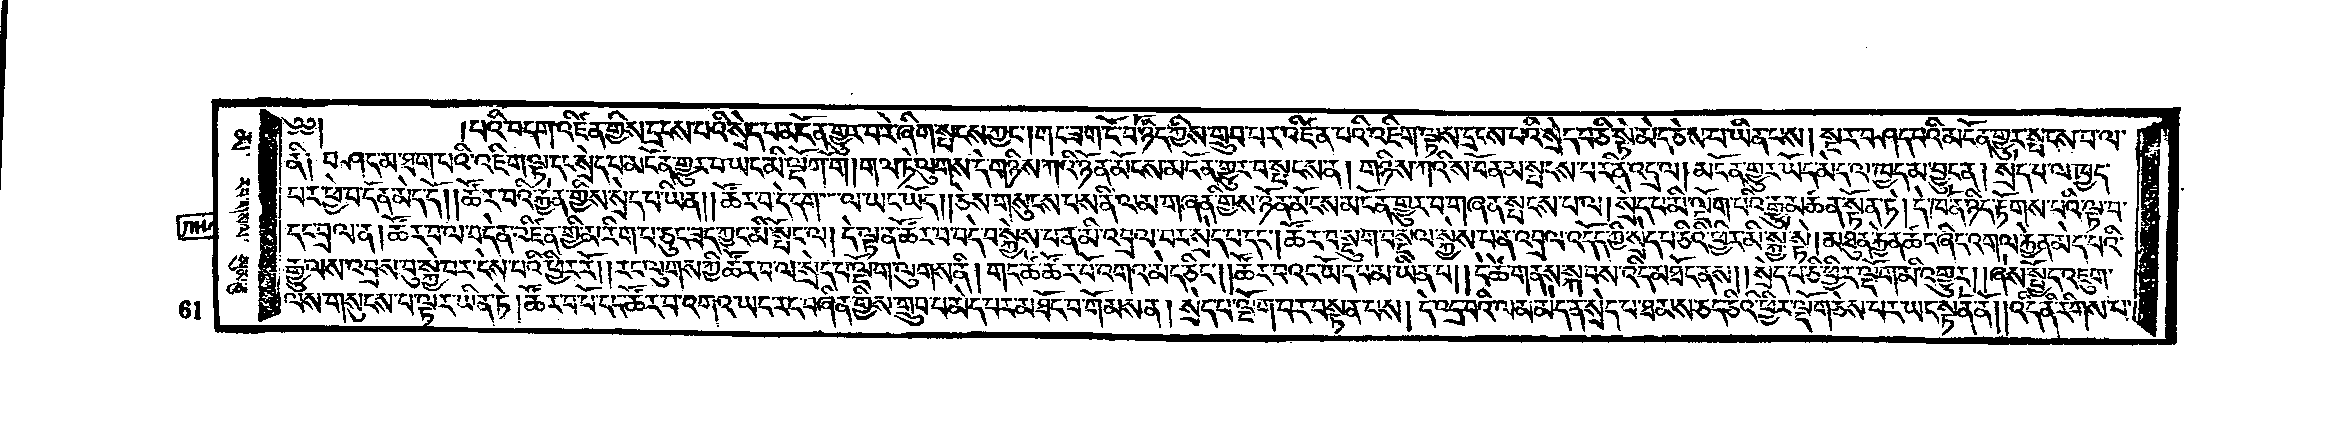༄༅། །པའི་བདག་འཛིན་གྱིས་དྲངས་པའི་སྲེད་པ་མངོན་གྱུར་བ་རེ་ཞིག་སྤངས་ཀྱང་། གང་ཟག་ངོ་བོ་ཉིད་ཀྱིས་གྲུབ་པར་འཛིན་པའི་འཇིག་ལྟས་དྲངས་པའི་སྲེད་པ་ཅི་སྟེ་མེད་ཅེས་པ་ཡིན་པས། སྔར་བཤད་པའི་མངོན་གྱུར་སྤངས་པ་ལ་
ནི། བཤད་མ་ཐག་པའི་འཇིག་ལྟ་དང་སྲེད་པ་མངོན་གྱུར་བ་ཡང་མི་ལྡོག་གོ །གལ་ཏེ་ལུགས་དེ་གཉིས་ཀའི་ཉོན་མོངས་མངོན་གྱུར་བ་སྤངས་ན། གཉིས་ཀའི་ས་བོན་མ་སྤངས་པར་ནི་འདྲ་ལ། མངོན་གྱུར་ཡོད་མེད་ལ་ཁྱད་མ་བྱུང་ན། སྲེད་པ་ལ་ཁྱད་
པར་ཕྱེ་བ་དོན་མེད་དོ། །ཚོར་བའི་རྐྱེན་གྱིས་སྲེད་པ་ཡིན། །ཚོར་བ་དེ་དག་ལ་ཡང་ཡོད། །ཅེས་གསུངས་པས་ནི་ལམ་གཞན་གྱིས་ཉོན་མོངས་མངོན་གྱུར་བ་གཞན་སྤངས་པ་ལ། སྲེད་པ་མི་ལྡོག་པའི་རྒྱུ་མཚན་སྟོན་ཏེ། དེ་ཁོ་ན་ཉིད་རྟོགས་པའི་ལྟ་བ་
དང་བྲལ་ན། ཚོར་བ་ལ་བདེན་འཛིན་གྱི་མ་རིག་པ་ཅུང་ཟད་ཀྱང་མི་སྤོང་ལ། དེ་ལྟ་ན་ཚོར་བ་བདེ་བ་སྐྱེས་པ་ན་མི་འབྲལ་བར་སྲེད་པ་དང་། ཚོར་བ་སྡུག་བསྔལ་སྐྱེས་པ་ན་འབྲལ་འདོད་ཀྱི་སྲེད་པ་ཅིའི་ཕྱིར་མི་སྐྱེ་སྟེ། མཐུན་རྐྱེན་ཚང་ཞིང་འགལ་རྐྱེན་མེད་པའི་
རྒྱུ་ལས་འབྲས་བུ་སྐྱེ་བར་ངེས་པའི་ཕྱིར་རོ། །རང་ལུགས་ཀྱི་ཚོར་བ་ལ་སྲེད་པ་ལྡོག་ལུགས་ནི། གང་ཚེ་ཚོར་པོ་འགའ་མེད་ཅིང་། །ཚོར་བའང་ཡོད་པ་མ་ཡིན་པ། །དེ་ཚེ་གནས་སྐབས་འདི་མཐོང་ནས། །སྲེད་པ་ཅི་ཕྱིར་ལྡོག་མི་འགྱུར། །ཞེས་སྤྱོད་འཇུག་
ལས་གསུངས་པ་ལྟར་ཡིན་ཏེ། ཚོར་བ་པོ་དང་ཚོར་བ་འགའ་ཡང་རང་བཞིན་གྱིས་གྲུབ་པ་མེད་པར་མཐོང་བ་གོམས་ན། སྲེད་པ་ལྡོག་པར་བསྟན་པས། དེ་འདྲ་བའི་ལམ་མེད་ན་སྲེད་པ་ཐམས་ཅད་ཅིའི་ཕྱིར་ལྡོག་ཅེས་པར་ཡང་སྟོན་ནོ། །འདི་ནི་རིགས་པ་